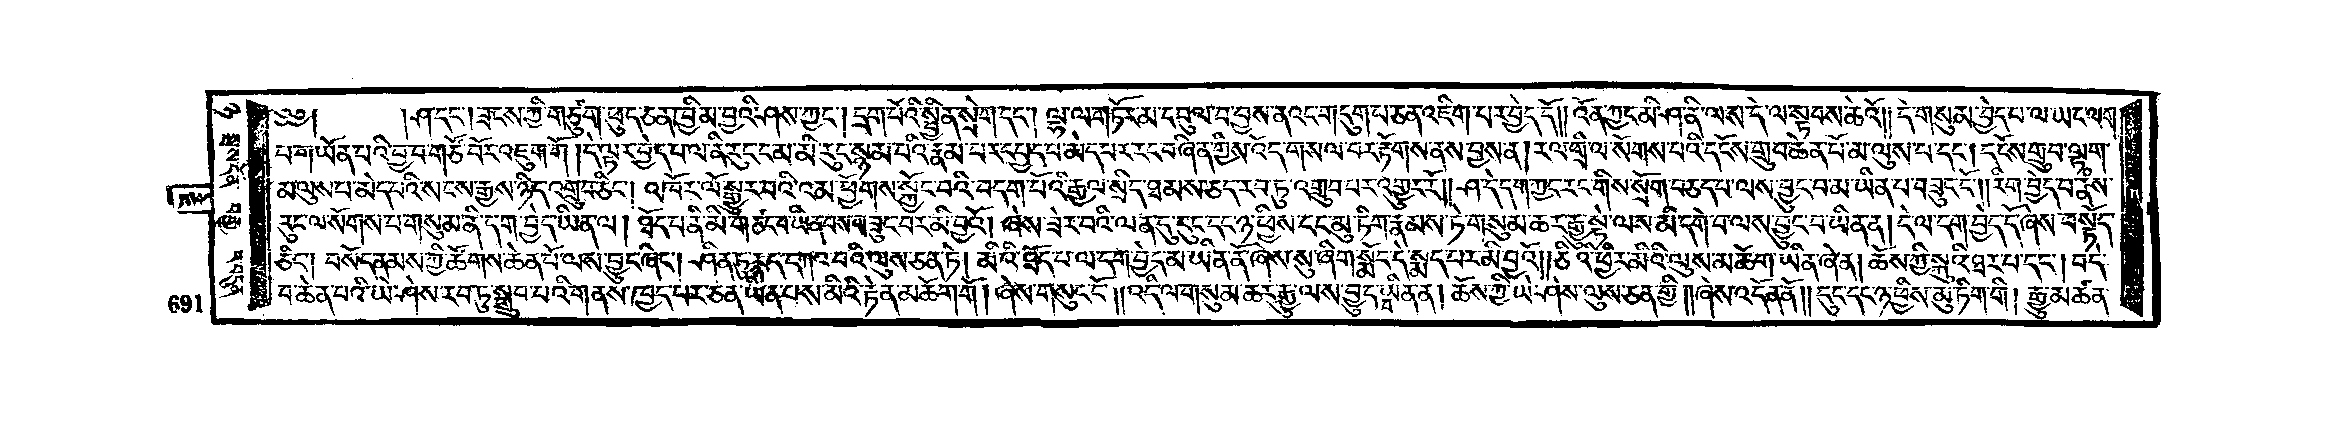༄༅། །ཤ་དང་། ཟངས་ཀྱི་གཙུག་ཕུད་ཅན་ཁྱིམ་བྱའི་ཤས་ཀྱང་། དྲག་པོའི་སྦྱིན་སྲེག་དང་། ལྷ་ལ་གཏོར་མ་དབུལ་བ་བྱས་ནའང་གདུག་པ་ཅན་འཇིག་པར་བྱེད་དོ། །འོན་ཀྱང་མི་ཤ་ནི་ལས་དེ་ལ་སྟབས་ཆེའོ། །དེ་གསུམ་བྱེད་པ་ལ་ཡང་ལག་
པ་གཡོན་པའི་བྱ་བ་གཙོ་བོར་འཇུག་གོ །དེ་ལྟར་བྱེད་པ་ལ་ནི་རུང་ངམ་མི་རུང་སྙམ་པའི་རྣམ་པར་དཔྱད་པ་མེད་པར་རང་བཞིན་གྱིས་འོད་གསལ་བར་རྟོགས་ནས་བྱས་ན། རལ་གྲི་ལ་སོགས་པའི་དངོས་གྲུབ་ཆེན་པོ་མ་ལུས་པ་དང་། དངོས་གྲུབ་ལྷག་
མ་ལུས་པ་མེད་པའི་སངས་རྒྱས་ཉིད་འགྲུབ་ཅིང་། འཁོར་ལོ་སྒྱུར་བའི་འམ་ཕྱོགས་སྐྱོང་བའི་བདག་པོའི་རྒྱལ་སྲིད་ཐམས་ཅད་རབ་ཏུ་འགྲུབ་པར་འགྱུར་རོ། །ཤ་དེ་དག་ཀྱང་རང་གིས་སྲོག་བཅད་པ་ལས་བྱུང་བ་མ་ཡིན་པ་བཟུང་ངོ། །རིག་བྱེད་པ་རྣམས་
དུང་ལ་སོགས་པ་གསུམ་ནི་དག་བྱེད་ཡིན་ལ། ཐོད་པ་ནི་མི་གཙང་བ་ཡིན་པས་གཟུང་བར་མི་བྱའོ། །ཞེས་ཟེར་བའི་ལན་དུ་དུང་དང་ཉ་ཕྱིས་དང་མུ་ཏིག་རྣམས་ཏེ་གསུམ་ཆར་རྒྱུ་སྟེ་ལས་མི་དགེ་བ་ལས་བྱུང་བ་ཡིན་ན། དེ་ལ་དག་བྱེད་དོ་ཞེས་བསྟོད་
ཅིང་། བསོད་ནམས་ཀྱི་ཚོགས་ཆེན་པོ་ལས་བྱུང་ཞིང་། ཤིན་ཏུ་རྙད་དཀའ་བའི་ལུས་ཅན་ཏེ། མིའི་ཐོད་པ་ལ་དག་བྱེད་མ་ཡིན་ནོ་ཞེས་སུ་ཞིག་སྨོད་དེ་སྨད་པར་མི་བྱའོ། །ཅིའི་ཕྱིར་མིའི་ལུས་མཆོག་ཡིན་ཞེ་ན། ཆོས་ཀྱི་སྐུའི་ཐར་པ་དང་། བདེ་
བ་ཆེན་པའི་ཡེ་ཤེས་རབ་ཏུ་སྒྲུབ་པའི་གནས་ཁྱད་པར་ཅན་ཡིན་པས་མིའི་རྟེན་མཆོག་གོ །ཞེས་གསུང་ངོ། །འདི་ལ་གསུམ་ཆར་རྒྱུ་ལས་བྱུང་བ་ཡིན་ན། ཆོས་ཀྱི་ཡེ་ཤེས་ལུས་ཅན་གྱི། །ཞེས་འདོན་ནོ། །དུང་དང་ཉ་ཕྱིས་མུ་ཏིག་གི། རྒྱུ་མཚན་